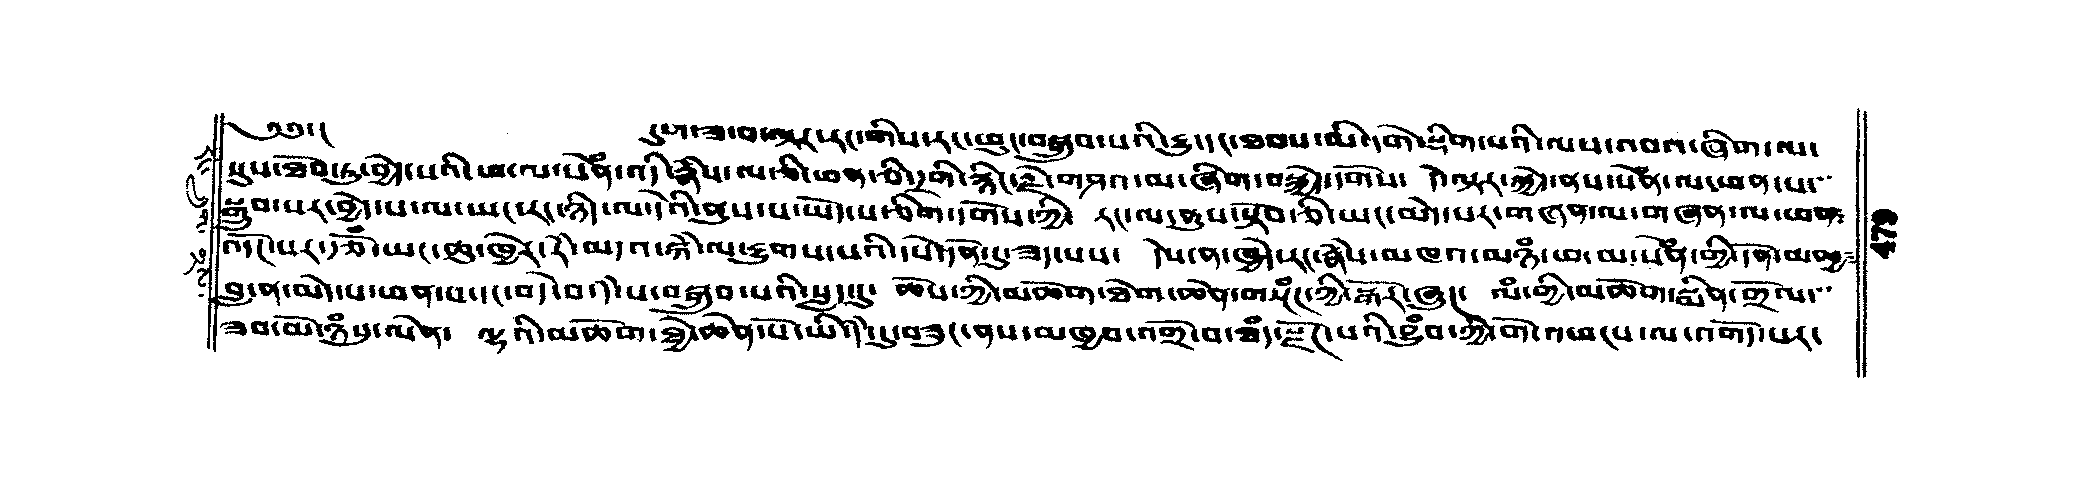དུག་ཟ་བ་ལྟར་རང་གིས་རང་ཕུང་བསྒྲུབ་པའི་རྒྱུ་དང་ཐབས་མི་དགེ་སྡིག་པའི་ལས་འབའ་ཞིག་ལ་
སུས་ཐོབ་ཏུ་བྱེད་པའི་ཕ་མ་སེམས་ཅན་འདི་རྣམས་ལ་ཅི་ཕན་ཅི་དྲག་གི་སྙིང་རྗེ་གཤའ་མ་ཞིག་བསྐྱེད་དགོས། དེ་ལྟར་བསྐྱེད་ནས་སེམས་ལ་ཕན་པ་
སྒྲུབ་པར་བྱེད་པ་ལ་ཡང་རང་ཉིད་ལ་དེའི་ནུས་པ་ཡོད་པ་ཅཞག་དགོས་ཀྱི། རང་ལ་ནུས་སྟོབས་ཅི་ཡང་མེད་པར་གཞན་ལ་ཕན་
འདོགས་པར་རྩོམ་ཡང་ཆུ་ཁྱེར་ར་མདའ་སྐམ་ལ་རྒྱུགས་པའི་དཔེ་དོན་དུ་ཟད་པས། དེས་ན་ཁྱེད་རང་རྣམས་མཁའ་མཉམ་ཕ་མ་སེམས་ཅན་གྱི་དོན་མཆོག་
བླ་ན་མེད་པ་ཕན་པ་དང་བདེ་བ་དམ་པ་བསྒྲུབ་པའི་སླད་དུ།ཆོས་ཀྱི་མཆོག་ཐེག་ཆེན་གསང་སྔགས་ཀྱི་སྒོར་ཞུགས། ལམ་གྱི་མཆོག་སྨིན་གྲོལ་
ཟབ་མོ་ཉམས་སུ་ལེན། ལྷའི་མཆོག་ཐུགས་རྗེ་ཆེན་པོ་ཡི་དམ་དུ་བཟུང་ནས་མཁའ་ཁྱབ་འགྲོ་བ་ཐམས་ཅད་རྫོགས་པའི་བྱང་ཆུབ་ཀྱི་གོ་འཕང་ལ་འགོད་པར་